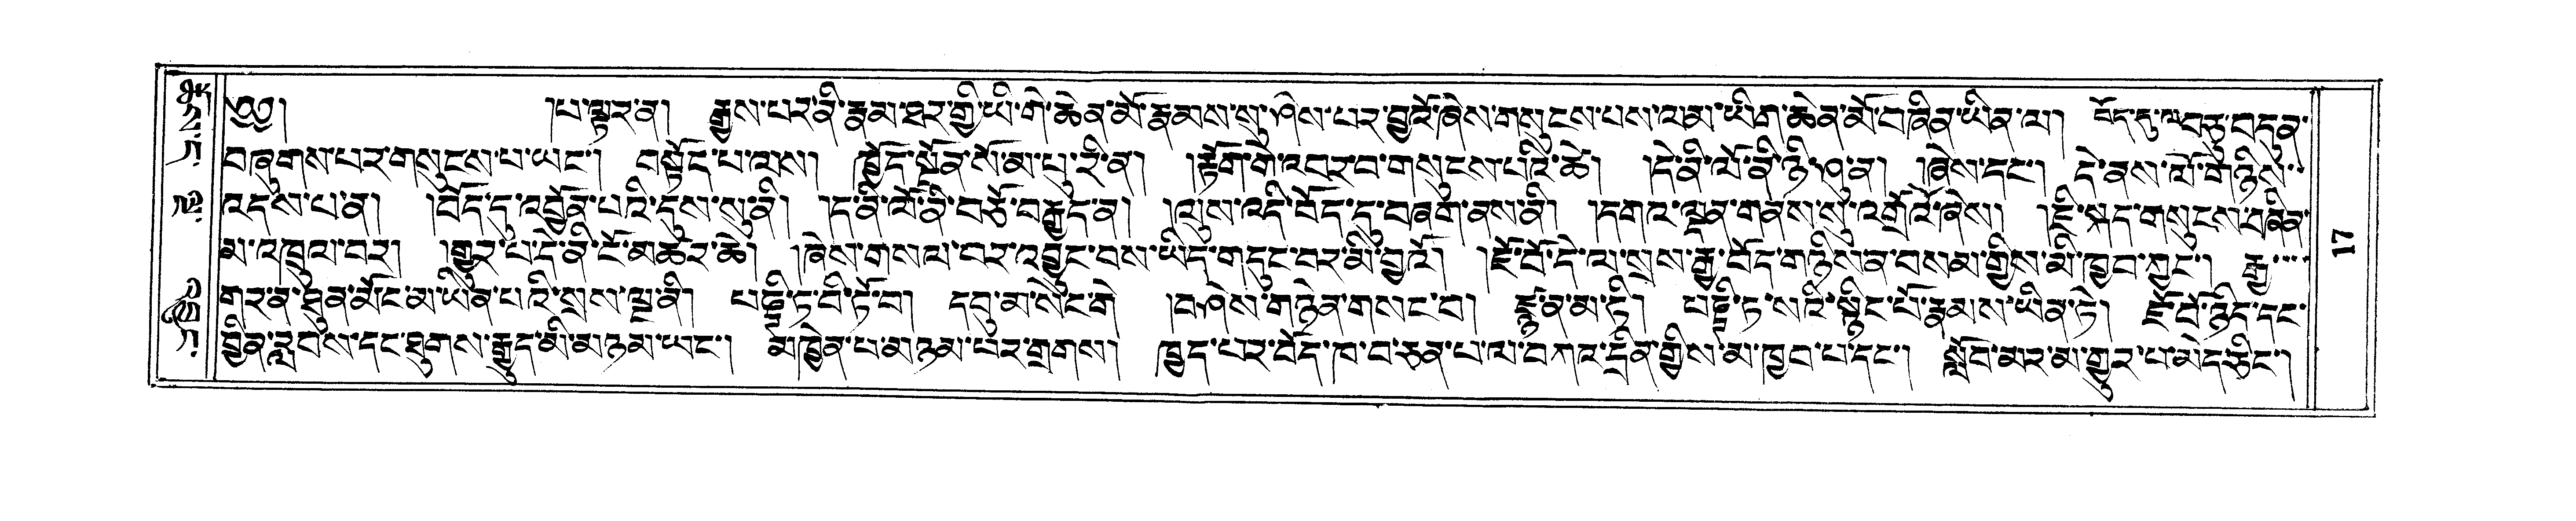༄༅། །པ་ལྟར་ན། རྒྱས་པར་ནི་རྣམ་ཐར་གྱི་ཡི་གེ་ཆེན་མོ་རྣམས་སུ་ཤེས་པར་བྱའོ་ཞེས་གསུངས་པས་ལམ་ཡིག་ཆེན་མོ་བཞིན་ཡིན་ལ། བོད་དུ་ལ་བཅུ་བདུན་
བཞུགས་པར་གསུངས་པ་ཡང་། བསྟོད་པ་ལས། ཁྱོད་སྔོན་སོ་མ་པུ་རིན། །རྟོག་གེ་འབར་བ་གསུངས་པའི་ཚེ། །དེ་ནི་ལོ་ནི་ཉི་ཤུ་ན། །ཞེས་དང་། དེ་ནས་ལོ་གཉིས་
འདས་པ་ན། །བོད་དུ་འབྱོན་པའི་དུས་སུ་ནི། །ད་ནི་ལོ་ནི་བཅོ་བརྒྱད་ན། །ལུས་འདི་བོད་དུ་བཞག་ནས་ནི། །དགའ་ལྡན་གནས་སུ་འགྲོའོ་ཞེས། །ཇི་སྐད་གསུངས་བཞིན་
མ་འཁྲུལ་བར། །གྱུར་པ་དེ་ནི་ངོ་མཚར་ཆེ། །ཞེས་གསལ་བར་འབྱུང་བས་ཡིད་གདུང་བར་མི་བྱའོ། །ཇོ་བོ་དེ་ལ་སྲས་རྒྱ་བོད་གཉིས་ན་བསམ་གྱིས་མི་ཁྱབ་ཀྱང་། རྒྱ་
གར་ན་ཐུན་མོང་མ་ཡིན་པའི་སྲས་ལྔ་ནི། པཎྜི་ཏ་བི་ཏོ་བ། དབུ་མ་སེངྒེ །བཤེས་གཉེན་གསང་བ། ཛྙ་ན་མ་ཧི། པཎྚྀ་ཏ་སའི་སྙིང་པོ་རྣམས་ཡིན་ཏེ། ཇོ་བོ་ཉིད་དང་
བྱིན་རླབས་དང་ཐུགས་རྒྱུད་མི་མཉམ་ཡང་། མཁྱེན་པ་མཉམ་པར་གྲགས། ཁྱད་པར་བོད་ཁ་བ་ཅན་པ་ལ་བཀའ་དྲིན་གྱིས་མ་ཁྱབ་པ་དང་། སློབ་མར་མ་གྱུར་པ་མེད་ཅིང་།